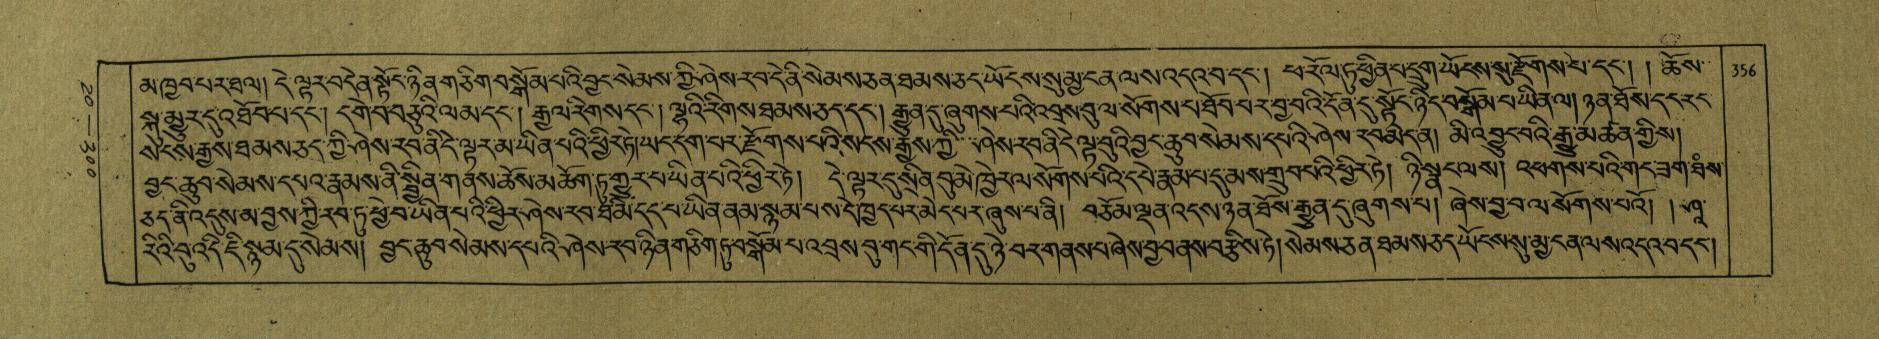མ་ཁྱབ་པར་ཐལ། དེ་ལྟར་བདེན་སྟོང་ཉིན་གཅིག་བསྒོམ་པའི་བྱང་སེམས་ཀྱི་ཤེས་རབ་དེ་ནི་སེམས་ཅན་ཐམས་ཅད་ཡོངས་སུ་མྱ་ངན་ལས་འདའ་བ་དང་། ཕ་རོལ་ཏུ་ཕྱིན་པ་དྲུག་ཡོངས་སུ་རྫོགས་པ་དང་། །ཆོས་
སྐུ་མྱུར་དུ་འཐོབ་པ་དང་། དགེ་བ་བཅུའི་ལམ་དང་། རྒྱལ་རིགས་དང་། ལྷའི་རིགས་ཐམས་ཅད་དང་། རྒྱུན་དུ་ཞུགས་པའི་འབྲས་བུ་ལ་སོགས་པ་ཐོབ་པར་བྱ་བའི་དོན་དུ་སྟོང་ཉིད་བསྒོམ་པ་ཡིན་ལ། ཉན་ཐོས་དང་རང་
སངས་རྒྱས་ཐམས་ཅད་ཀྱི་ཤེས་རབ་ནི་དེ་ལྟར་མ་ཡིན་པའི་ཕྱིར་ཏེ། ཡང་དག་པར་རྫོགས་པའི་སངས་རྒྱས་ཀྱི་ཤེས་རབ་ནི་དེ་ལྟ་བུའི་བྱང་ཆུབ་སེམས་དཔའི་ཤེས་རབ་མེད་ན། མི་འབྱུང་བའི་རྒྱུ་མཚན་གྱིས།
བྱང་ཆུབ་སེམས་དཔའ་རྣམས་ནི་སྦྱིན་གནས་ཆོས་མཆོག་ཏུ་གྱུར་པ་ཡིན་པའི་ཕྱིར་ཏེ། དེ་ལྟར་དུ་སྲིན་བུ་མེ་ཁྱེར་ལ་སོགས་པའི་དཔེ་རྣམ་པ་དུ་མས་གྲུབ་པའི་ཕྱིར་ཏེ། ཉི་སྣང་ལས། འཕགས་པའི་གང་ཟག་ཐཾས་
ཅད་ནི་འདུས་མ་བྱས་ཀྱི་རབ་ཏུ་ཕྱེ་བ་ཡིན་པའི་ཕྱིར་ཤེས་རབ་ཐ་མི་དད་པ་ཡིན་ནམ་སྙམ་པས་དེ་ཁྱད་པར་མེད་པར་ཞུས་པ་ནི། བཅོམ་ལྡན་འདས་ཉན་ཐོས་རྒྱུན་དུ་ཞུགས་པ། ཞེས་བྱ་བ་ལ་སོགས་པའོ། །ཤཱ་
རིའི་བུ་འདི་ཇི་སྙམ་དུ་སེམས། བྱང་ཆུབ་སེམས་དཔའི་ཤེས་རབ་ཉིན་གཅིག་ཏུ་བསྒོམ་པ་འབྲས་བུ་གང་གི་དོན་དུ་ཉེ་བར་གནས་པ་ཞེས་བྱ་བ་ནས་བརྩིས་ཏེ། སེམས་ཅན་ཐམས་ཅད་ཡོངས་སུ་མྱ་ངན་ལས་འདའ་བ་དང་།